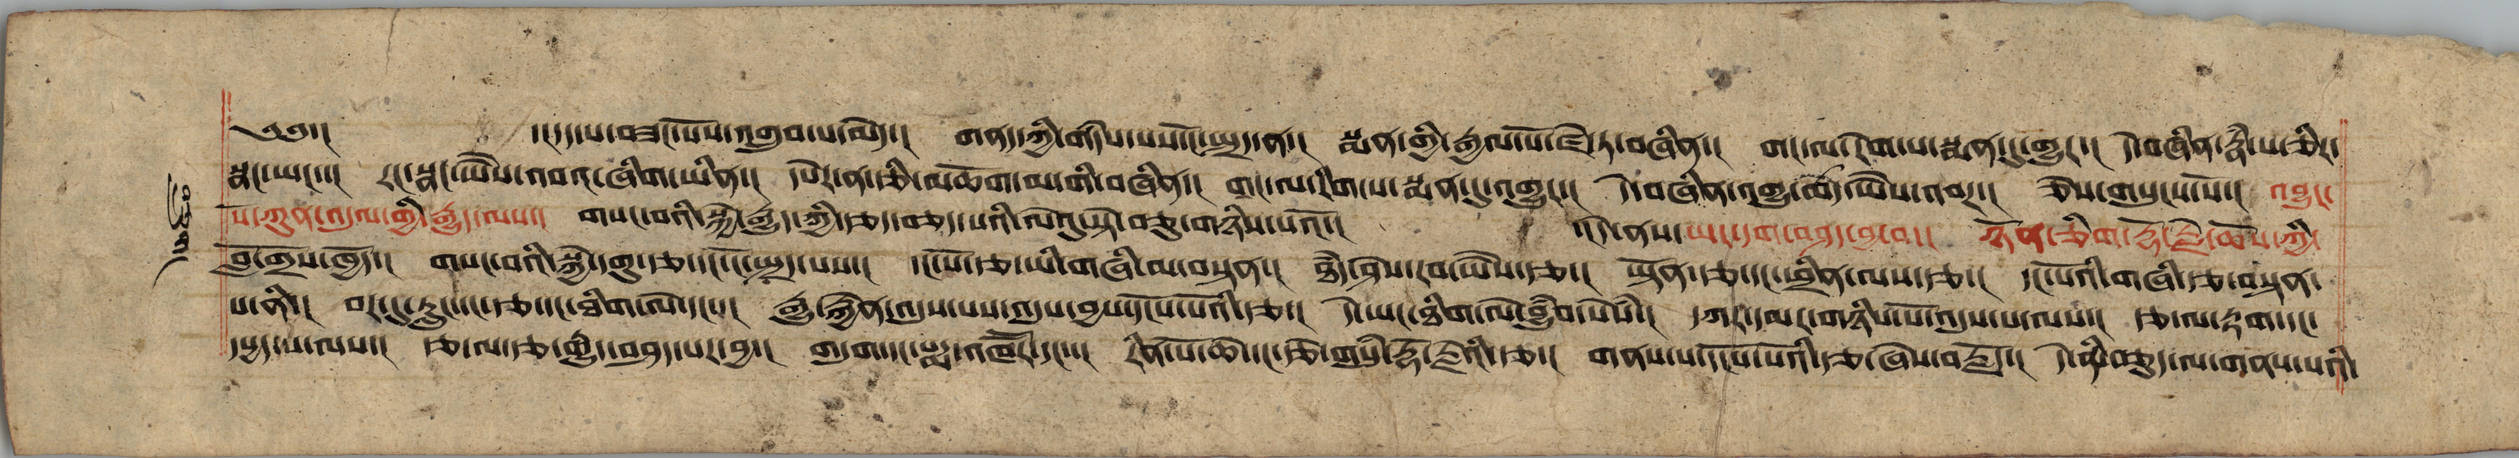༄༅་། ་།དད་པ་བཟང་པོས་འགྲུབ་པ་མེད་། གནད་ཀྱི་གདཾས་པས་ངོ་སྤྲད་ན་། སྨན་གྱི་རྒྱལ་པོ་ཛེ་ཏ་བཞིན་། གང་ལ་རེག་པ་སྨན་དུ་གྱུར་། དེ་བཞིན་རྣཾ་པ་ཅིར་
སྣང་ཡང་་། རང་སྣང་ཡཻས་འབའ་ཞིག་ཡིན་། དཔེར་ན་ཅི་མཆོག་མ་གི་བཞིན་། གང་ལ་རིག་པ་སྨན་དུ་འགྱུར་། དེ་བཞིན་འགྱུ་མེད་ཡཻས་འབར་། ཅེས་གསུངས་སོ་། འབྱུང་
པོ་ཀུན་འདུལ་གྱི་རྒྱུད་ལས་། གསང་བའི་སྐྱེ་རྒྱུད་ཀྱི་རྩད་བཅད་པའི་ལེའུ་སྟེ་བཅུ་གཉིས་པའོ་། ་ངདེ་ནས་ཡང་དག་བཤད་བྱ་བ་། ཉོན་ཅིག་རྡོ་རྗེ་ཆོས་ཀྱི་
བློ་གྲོས་ཁྱོད་། གསང་བའི་སྐྱེ་དགུ་རྩ་དང་ངོ་སྤྲད་པས་། དང་པོ་རྩ་ཡི་གཞི་མ་བསྟན་། ཐདཾ་ཤེས་རབ་ཡཻས་རྩ་། ཡྟོན་རྩ་དང་ཕྲིན་ལས་རྩ་། དང་པོའི་གཞི་རྩ་བསྟན་
པ་ནི་། བར་དུ་རླུང་དང་རྩ་དང་ཐིག་ལེ་དང་་། རྒྱུ་རྐྱེན་འདུས་པས་འདུས་བྱས་དངོས་པོའི་རྩ་། དེ་ཡང་ཐིག་ལེ་བྱུཾབ་སེཾས་། དཀར་དམར་གཉིས་པོ་འདུས་པ་ལས་། རྩ་ལ་རྟག་དང་
དཔྱད་པ་ལས་། རྩ་ལ་རྩ་རྒྱུད་བཤད་པར་བྱ་། གདུག་དང་པདྨ་འཁཽར་དང་་། རིན་པོ་ཆེ་དང་རྩེ་གསུཾ་རྡོ་རྗེའི་རྩ་། གནས་པ་དངོས་པོའི་རྩ་ཞེས་བརྗོད་། དེ་ནི་བཅུད་ལ་གནས་པའི་